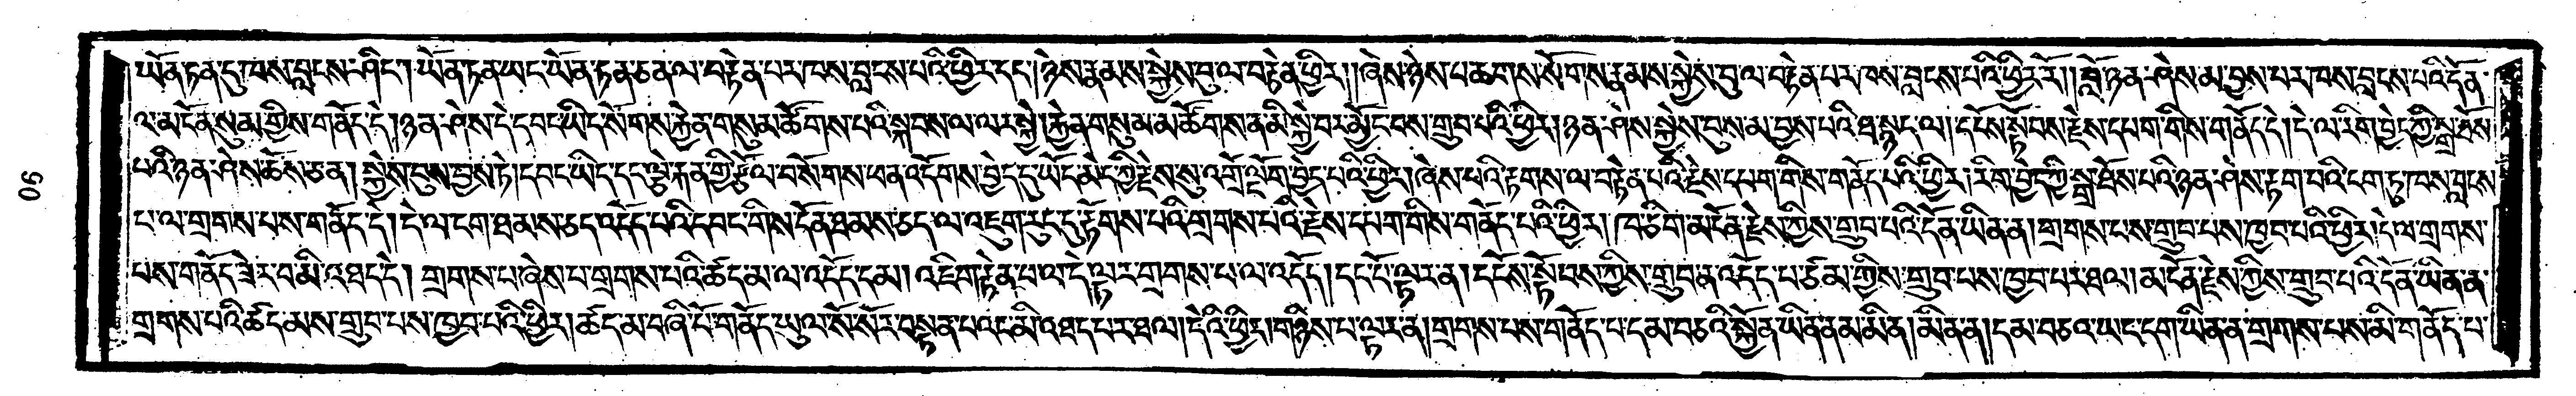ཡོན་ཏན་དུ་ཁས་བླངས་ཤིང་། ཡོན་ཏན་ཡང་ཡོན་ཏན་ཅན་ལ་བརྟེན་པར་ཁས་བླངས་པའི་ཕྱིར་དང་། ཉེས་རྣམས་སྐྱེས་བུ་ལ་བརྟེན་ཕྱིར། །ཞེས་ཉེས་པ་ཆགས་སོགས་རྣམས་སྐྱེས་བུ་ལ་བརྟེན་པར་ཁས་བླངས་པའི་ཕྱིར་རོ། །བློ་ཉན་ཤེས་མ་བྱས་པར་ཁས་བླངས་པའི་དོན་
ལ་མངོན་སུམ་གྱིས་གནོད་དེ། ཉན་ཤེས་དེ་དབང་ཡིད་སོགས་རྐྱེན་གསུམ་ཚོགས་པའི་སྐབས་ལ་ལར་སྐྱེ། རྐྱེན་གསུམ་མ་ཚོགས་ན་མི་སྐྱེ་བར་མྱོང་བས་གྲུབ་པའི་ཕྱིར། ཉན་ཤེས་སྐྱེས་བུས་མ་བྱས་པའི་ཐ་སྙད་ལ། དངོས་སྟོབས་རྗེས་དཔག་གིས་གནོད་དེ། དེ་ལ་རིག་བྱེད་ཀྱི་སྒྲ་ཐོས་
པའི་ཉན་ཤེས་ཆོས་ཅན། སྐྱེས་བུས་བྱས་ཏེ། དབང་ཡིད་དང་ལྕེ་རྐན་གྱི་རྩོལ་བ་སོགས་ཕན་འདོགས་བྱེད་དུ་ཡོད་མེད་ཀྱི་རྗེས་སུ་འགྲོ་ལྡོག་བྱེད་པའི་ཕྱིར། ཞེས་པའི་རྟགས་ལ་བརྟེན་པའི་རྗེས་དཔག་གིས་གནོད་པའི་ཕྱིར། རིག་བྱེད་ཀྱི་སྒྲ་ཐོས་པའི་ཉན་ཤེས་རྟག་པའི་དག་ཏུ་ཁས་བླངས་
པ་ལ་གྲགས་པས་གནོད་དེ། དེ་ལ་ངག་ཐམས་ཅད་འདོད་པའི་དབང་གིས་དོན་ཐམས་ཅད་ལ་འཇུག་རུང་དུ་རྟོགས་པའི་གྲགས་པའི་རྗེས་དཔག་གིས་གནོད་པའི་ཕྱིར། ཁ་ཅིག་མངོན་རྗེས་ཀྱིས་གྲུབ་པའི་དོན་ཡིན་ན། གྲགས་པས་གྲུབ་པས་ཁྱབ་པའི་ཕྱིར། དེ་ལ་གྲགས་
པས་གནོད་ཟེར་བ་མི་འཐད་དེ། གྲགས་པ་ཞེས་པ་གགས་པའི་ཚད་མ་ལ་འདོད་དམ། འཇིག་རྟེན་པ་ལ་དེ་ལྟར་གྲགས་པ་ལ་འདོད། དང་པོ་ལྟར་ན། དངོས་སྟོབས་ཀྱིས་གྲུབ་ན་འདོད་པ་ཙམ་གྱིས་གྲུབ་པས་ཁྱབ་པར་ཐལ། མངོན་རྗེས་ཀྱིས་གྲུབ་པའི་དོན་ཡིན་ན་
གྲགས་པའི་ཚད་མས་གྲུབ་པས་ཁྱབ་པའི་ཕྱིར། ཚད་མ་བཞི་པོ་གནོད་ཡུལ་སོ་སོར་བསྟན་པའང་མི་འཐད་པར་ཐལ། དེའི་ཕྱིར། གཉིས་པ་ལྟར་ན། གྲགས་པས་གནོད་པ་དམ་བཅའི་སྐྱོན་ཡིན་ནམ་མིན། མིན་ན། དམ་བཅའ་ཡང་དག་ཡིན་ན་གྲགས་པས་མི་གནོད་པ་